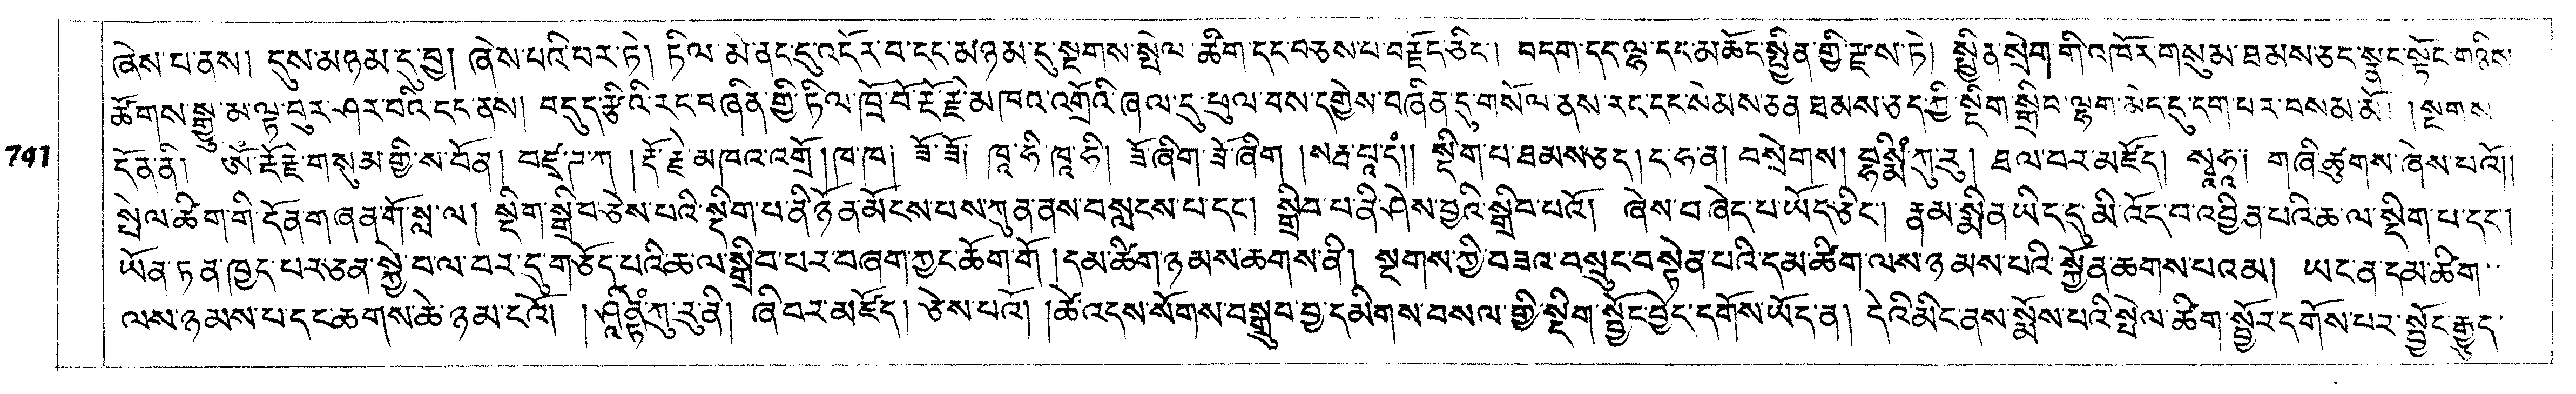ཞེས་པ་ནས། དུས་མཉམ་དུ་བྱ། ཞེས་པའི་བར་ཏེ། ཏིལ་མེ་ནང་དུ་འདོར་བ་དང་མཉམ་དུ་སྔགས་སྤེལ་ཚིག་དང་བཅས་པ་བརྗོད་ཅིང་། བདག་དང་ལྷ་དང་མཆོད་སྤྱིན་གྱི་རྫས་ཏེ། སྤྱིན་སྲེག་གི་འཁོར་གསུམ་ཐམས་ཅད་སྣང་སྟོང་གཉིས་
ཚོགས་སྒྱུ་མ་ལྟ་བུར་ཤར་བའི་དང་ནས། བདུད་རྩིའི་རང་བཞིན་གྱི་ཏིལ་ཁྲོ་བོ་རྡོ་རྗེ་མཁའ་འགྲོའི་ཞལ་དུ་ཕུལ་བས་དགྱེས་བཞིན་དུ་གསོལ་ནས་རང་དང་སེམས་ཅན་ཐམས་ཅད་ཀྱི་སྡིག་སྒྲིབ་ལྷག་མེད་དུ་དག་པར་བསམ་མོ། །སྔགས་
དོན་ནི། ཨོཾ་རྡོ་རྗེ་གསུམ་གྱི་ས་བོན། བཛྲ་ཌ་ཀ །རྡོ་རྗེ་མཁའ་འགྲོ། ཁ་ཁ། ཟོ་ཟོ། ཁཱ་ཧི་ཁཱ་ཧི། ཟོ་ཞིག་ཟོ་ཞིག །སརྦ་པཱ་དཾ། །སྡིག་པ་ཐམས་ཅད། ད་ཧ་ན། བསྲེགས། བྷསྨིཾ་ཀུ་རུ། ཐལ་བར་མཛོད། སྭཱཧཱ། གཞི་ཚུགས་ཞེས་པའོ། །
སྤེལ་ཚིག་གི་དོན་གཞན་གོ་སླ་ལ། སྡིག་སྒྲིབ་ཅེས་པའི་སྡིག་པ་ནི་ཉོན་མོངས་པས་ཀུན་ནས་བསླངས་པ་དང་། སྒྲིབ་པ་ནི་ཤེས་བྱའི་སྒྲིབ་པའོ། ཞེས་བཞེད་པ་ཡོད་ཅིང་། རྣམ་སྨིན་ཡིད་དུ་མི་འོང་བ་འབྱིན་པའི་ཆ་ལ་སྡིག་པ་དང་།
ཡོན་ཏན་ཁྱད་པར་ཅན་སྐྱེ་བ་ལ་བར་དུ་གཅོད་པའི་ཆ་ལ་སྒྲིབ་པར་བཞག་ཀྱང་ཆོག་གོ །དམ་ཚིག་ཉམས་ཆགས་ནི། སྔགས་ཀྱི་བཟའ་བསྲུང་བསྟེན་པའི་དམ་ཚིག་ལས་ཉམས་པའི་སྐྱོན་ཆགས་པའམ། ཡང་ན་དམ་ཚིག་
ལས་ཉམས་པ་དང་ཆགས་ཆེ་ཉམ་ངའོ། །ཤཱིནྟཾ་ཀུ་རུ་ནི། ཞི་བར་མཛོད། ཅེས་པའོ། །ཚེ་འདས་སོགས་བསྒྲུབ་བྱ་དམིགས་བསལ་གྱི་སྡིག་སྦྱོང་བྱེད་དགོས་ཡོད་ན། དེའི་མིང་ནས་སྨོས་པའི་སྤེལ་ཚིག་སྦྱོར་དགོས་པར་སྦྱོང་རྒྱུད་